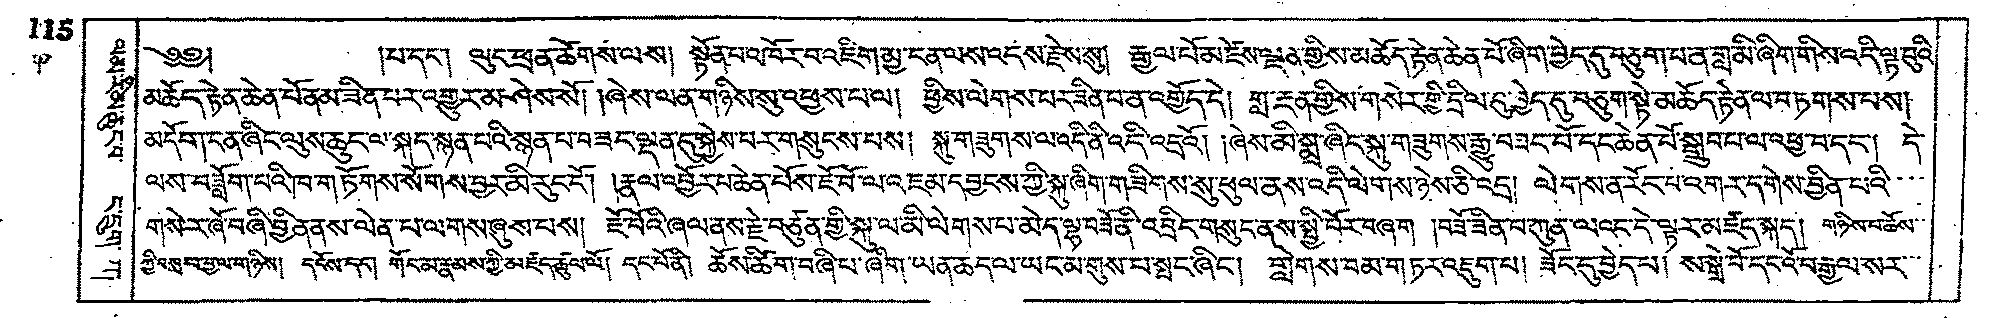༄༅། །པ་དང་། ལུང་ཕྲན་ཚེགས་ལས། སྟོན་པ་འཁོར་བ་འཇིག་མྱ་ངན་ལས་འདས་རྗེས་སུ། རྒྱལ་པོ་མཛེས་ལྡན་གྱིས་མཆོད་རྟེན་ཆེན་པོ་ཞིག་བྱེད་དུ་བཅུག་པ་ན་གླ་མི་ཞིག་གིས་འདི་ལྟ་བུའི་
མཆོད་རྟེན་ཆེན་པོ་ནམ་ཟིན་པར་འགྱུར་མ་ཤེས་སོ། །ཞེས་ལན་གཉིས་སུ་འཕྱས་པ་ལ། ཕྱིས་ལེགས་པར་ཟིན་པ་ན་འགྱོད་དེ། གླ་རྔན་གྱིས་གསེར་གྱི་དྲིལ་བུ་བྱེད་དུ་བཅུག་སྟེ་མཆོད་རྟེན་ལ་བཏགས་པས།
མདོག་ངན་ཞིང་ལུས་ཆུང་ལ་སྐད་སྙན་པའི་སྙན་པ་བཟང་ལྡན་དུ་སྐྱེས་པར་གསུངས་པས། སྐུ་གཟུགས་ལ་འདི་ནི་འདི་འདྲའོ། །ཞེས་མི་སྨྲ་ཞིང་སྐུ་གཟུགས་རྒྱུ་བཟང་པོ་དང་ཆེན་པོ་སྒྲུབ་པ་ལ་འཕྱ་བ་དང་། དེ་
ལས་བཟློག་པའི་ཁ་གཏོགས་སོགས་བྱར་མི་རུང་ངོ། །རྣལ་འབྱོར་པ་ཆེན་པོས་ཇོ་བོ་ལ་འཇམ་དབྱངས་ཀྱི་སྐུ་ཞིག་གཟིགས་སུ་ཕུལ་ནས་འདི་ལེགས་ཉེས་ཅི་འདྲ། ལེགས་ན་རོང་པ་འགར་དགེས་བྱིན་པའི་
གསེར་ཞོ་བཞི་བྱིན་ནས་ལེན་པ་ལགས་ཞུས་པས། ཇོ་བོའི་ཞལ་ནས་རྗེ་བཙུན་གྱི་སྐུ་ལ་མི་ལེགས་པ་མེད་ལྷ་བཟོ་ནི་འབྲིང་གསུང་ནས་སྤྱི་བོར་བཞག །བཟོ་ཟིན་པ་ཀུན་ལའང་དེ་ལྟར་མཛད་སྐད། གཉིས་པ་ཆོས་
ཀྱི་བསླབ་བྱ་ལ་གཉིས། དངོས་དང་། གོང་མ་རྣམས་ཀྱི་མཛད་ཚུལ་ལོ། དང་པོ་ནི། ཆོས་ཚིག་བཞི་པ་ཞིག་ཡན་ཆད་ལ་ཡང་མ་གུས་པ་སྤང་ཞིང་། གླེགས་བམ་གཏར་འཇུག་པ། ཟོང་དུ་བྱེད་པ། ས་སྒྲེ་བོ་དང་འོ་བརྒྱལ་སར་